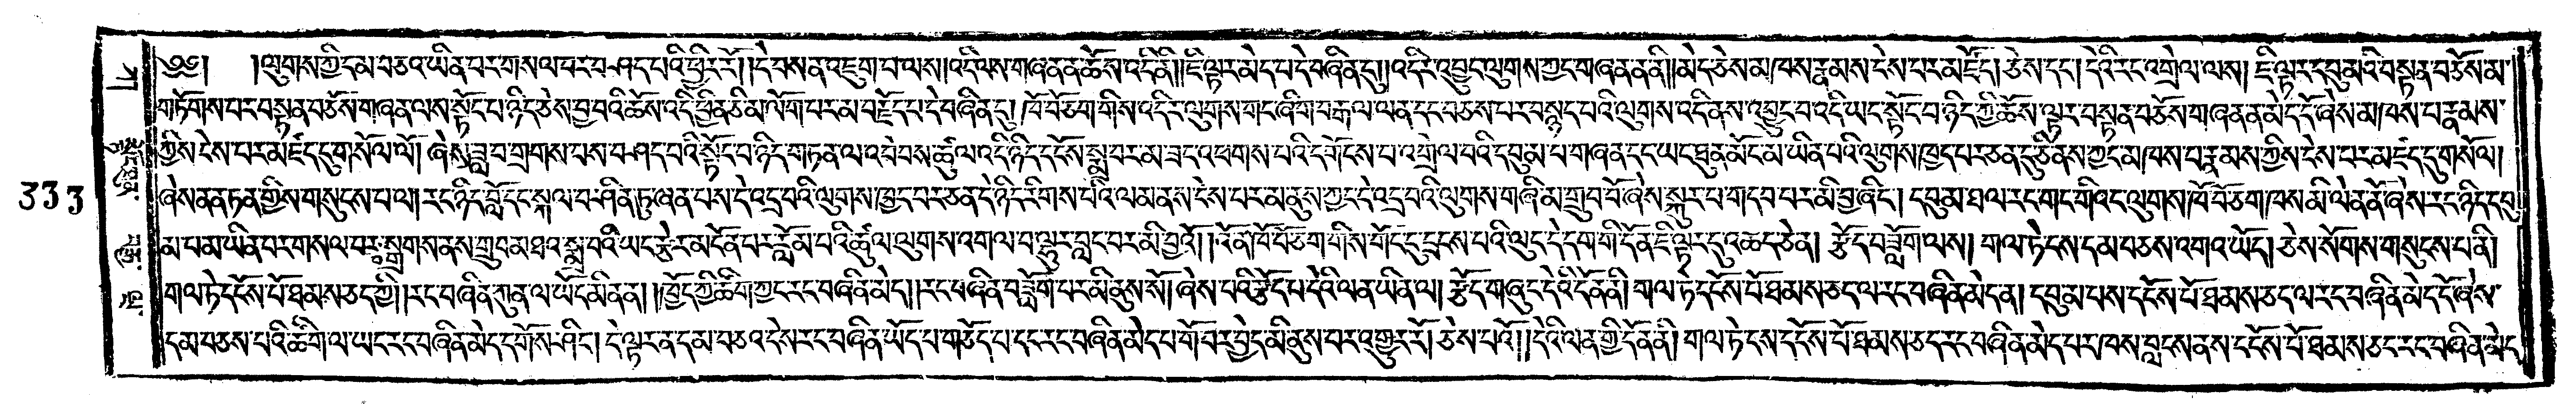༄༅། །ལུགས་ཀྱི་དམ་བཅའ་ཡིན་བར་གསལ་བར་བཤད་པའི་ཕྱིར་རོ། །དེ་བས་ན་འཇུག་པ་ལས། འདི་ལས་གཞན་ན་ཆོས་འདི་ནི། །ཇི་ལྟར་མེད་པ་དེ་བཞིན་དུ། །འདིར་འབྱུང་ལུགས་ཀྱང་གཞན་ན་ནི། །མེད་ཅེས་མཁས་རྣམས་ངེས་པར་མཛོད། ཅེས་དང་། དེའི་རང་འགྲེལ་ལས། ཇི་ལྟར་དབུ་མའི་བསྟན་བཅོས་མ་
གཏོགས་པར་བསྟན་བཅོས་གཞན་ལས་སྟོང་པ་ཉིད་ཅེས་བྱ་བའི་ཆོས་འདི་ཕྱིན་ཅི་མ་ལོག་པར་མ་བརྗོད་པ་དེ་བཞིན་དུ། ཁོ་བོ་ཅག་གིས་འདིར་ལུགས་གང་ཞིག་བརྒལ་ལན་དང་བཅས་པར་བསྙད་པའི་ལུགས་འདི་ནས་འབྱུང་བ་འདི་ཡང་སྟོང་པ་ཉིད་ཀྱི་ཆོས་ལྟར་བསྟན་བཅོས་གཞན་ན་མེད་དོ་ཞེས་མཁས་པ་རྣམས་
ཀྱིས་ངེས་པར་མཛད་དུ་གསོལ་ལོ། ཞེས་ཟླ་བ་གྲགས་པས་བཤད་པའི་སྟོང་པ་ཉིད་གཏན་ལ་འབེབས་ཚུལ་འདི་ཉིད་དངོས་སྨྲ་བར་མ་ཟད་འཕགས་པའི་དགོངས་པ་འགྲེལ་བའི་དབུ་མ་པ་གཞན་དང་ཡང་ཐུན་མོང་མ་ཡིན་པའི་ལུགས་ཁྱད་པར་ཅན་དུ་ཅི་ནས་ཀྱང་མཁས་པ་རྣམས་ཀྱིས་དེས་པར་མཛད་དུ་གསོལ།
ཞེས་ནན་ཏན་གྱིས་གསུངས་པ་ལ། རང་ཉིད་བློ་དང་སྐལ་བ་ཤིན་ཏུ་ཞན་པས་དེ་འདྲ་བའི་ལུགས་ཁྱད་པར་ཅན་དེ་ཉིད་རིགས་པའི་ལམ་ནས་ངེས་པར་མ་ནུས་ཀྱང་དེ་འདྲ་བའི་ལུགས་གཞི་མ་གྲུབ་བོ་ཞེས་སྐུར་བ་གདབ་པར་མི་བྱ་ཞིང་། དབུ་མ་ཐལ་རང་གང་གིའང་ལུགས་ཁོ་བོ་ཅག་ཁས་མི་ལེན་ནོ་ཞེས་རང་ཉིད་དབུ་
མ་པ་མ་ཡིན་པར་གསལ་བར་བསྒྲགས་ནས་གྲུབ་མཐའ་སྨྲ་བའི་ཡང་རྩེར་མངོན་པར་རློམ་པའི་ཚུལ་ལུགས་འགལ་བ་ལྷུར་བླང་བར་མི་བྱའོ། །འོ་ན་ཁོ་བོ་ཅག་གིས་གོང་དུ་དྲངས་པའི་ལུང་དེ་དག་གི་དོན་ཇི་ལྟར་དུ་འཆད་ཅེ་ན། རྩོད་བཟློག་ལས། གལ་ཏེ་ངས་དམ་བཅས་འགའ་ཡོད། ཅེས་སོགས་གསུངས་པ་ནི།
གལ་ཏེ་དངོས་པོ་ཐམས་ཅད་ཀྱི། །རང་བཞིན་ཀུན་ལ་ཡོད་མིན་ན། །ཁྱོད་ཀྱི་ཚིག་ཀྱང་རང་བཞིན་མེད། །རང་བཞིན་བཟློག་པར་མི་ནུས་སོ། ཞེས་པའི་རྩོད་པ་དེའི་ལན་ཡིན་ལ། རྩོད་གཞུང་དེའི་དོན་ནི། གལ་ཏེ་དངོས་པོ་ཐམས་ཅད་ལ་རང་བཞིན་མེད་ན། དབུ་མ་པས་དངོས་པོ་ཐམས་ཅད་ལ་རང་བཞིན་མེད་དོ་ཞེས་
དམ་བཅས་པའི་ཚིག་ལ་ཡང་རང་བཞིན་མེད་དགོས་ཤིང་། དེ་ལྟར་ན་དམ་བཅའ་དེས་རང་བཞིན་ཡོད་པ་གཅོད་པ་དང་རང་བཞིན་མེད་པ་གོ་བར་བྱེད་མི་ནུས་བར་འགྱུར་རོ། ཅེས་པའོ། །དེའི་ལན་གྱི་དོན་ནི། གལ་ཏེ་ངས་དངོས་པོ་ཐམས་ཅད་རང་བཞིན་མེད་པར་ཁས་བླངས་ནས་དངོས་པོ་ཐམས་ཅད་རང་བཞིན་མེད་